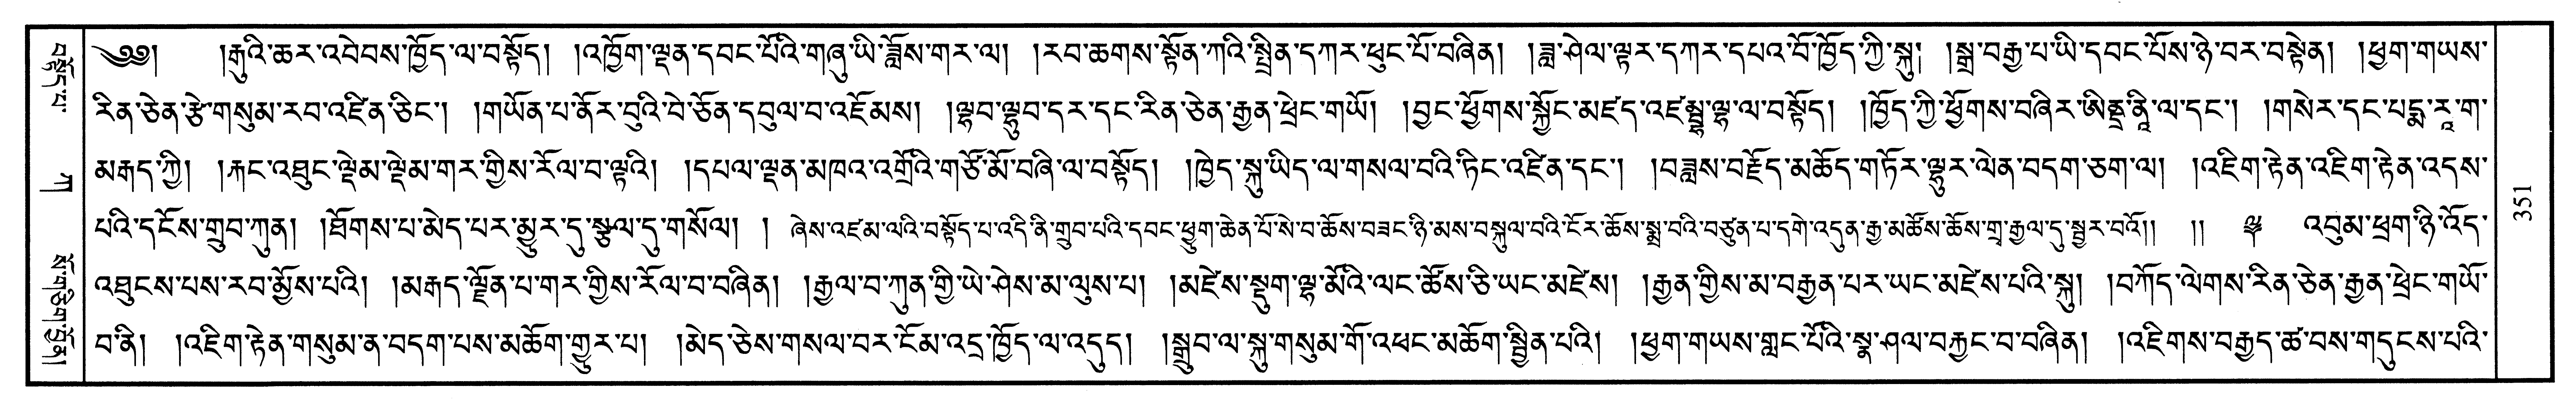༄༅། །རྒུའི་ཆར་འབེབས་ཁྱོད་ལ་བསྟོད། །འཁྱོག་ལྡན་དབང་པོའི་གཞུ་ཡི་ཟློས་གར་ལ། །རབ་ཆགས་སྟོན་ཀའི་སྤྲིན་དཀར་ཕུང་པོ་བཞིན། །ཟླ་ཤེལ་ལྟར་དཀར་དཔའ་བོ་ཁྱོད་ཀྱི་སྐུ། །སྒྲ་བརྒྱ་པ་ཡི་དབང་པོས་ཉེ་བར་བསྟེན། །ཕྱག་གཡས་
རིན་ཅེན་རྩེ་གསུམ་རབ་འཛིན་ཅིང་། །གཡོན་པ་ནོར་བུའི་བེ་ཅོན་དབུལ་བ་འཇོམས། །ལྷབ་ལྷུབ་དར་དང་རིན་ཅེན་རྒྱན་ཕྲེང་གཡོ། །བྱང་ཕྱོགས་སྐྱོང་མཛད་འཛམྦྷ་ལྷ་ལ་བསྟོད། །ཁྱོད་ཀྱི་ཕྱོགས་བཞིར་ཨིནྡྲ་ནཱི་ལ་དང་། །གསེར་དང་པདམ་རཱ་ག་
མྲྒད་ཀྱི། །རྐང་འཐུང་ལྡེམ་ལྡེམ་གར་གྱིས་རོལ་བ་ལྟའི། །དཔལ་ལྡན་མཁའ་འགྲོའི་གཙོ་མོ་བཞི་ལ་བསྟོད། །ཁྱོད་སྐུ་ཡིད་ལ་གསལ་བའི་ཏིང་འཛིན་དང་། །བཟླས་བརྗོད་མཆོད་གཏོར་ལྷུར་ལེན་བདག་ཅག་ལ། །འཇིག་རྟེན་འཇིག་རྟེན་འདས་
པའི་དངོས་གྲུབ་ཀུན། །ཐོགས་པ་མེད་པར་མྱུར་དུ་སྩལ་དུ་གསོལ། །ཞེས་འཛམ་ལའི་བསྟོད་པ་འདི་ནི་གྲུབ་པའི་དབང་ཕྱུག་ཆེན་པོ་སེ་བ་ཆོས་བཟང་ཉི་མས་བསྐུལ་བའི་ངོར་ཆོས་སྨྲ་བའི་བཙུན་པ་དགེ་འདུན་རྒྱ་མཚོས་ཆོས་གྲྭ་རྒྱལ་དུ་སྦྱར་བའོ།། །། ༈ འབུམ་ཕྲག་ཉི་འོད་
འཐུངས་པས་རབ་མྱོས་པའི། །མྲྒད་ལྗོན་པ་གར་གྱིས་རོལ་བ་བཞིན། །རྒྱལ་བ་ཀུན་གྱི་ཡེ་ཤེས་མ་ལུས་པ། །མཛེས་སྡུག་ལྷ་མོའི་ལང་ཚོས་ཅི་ཡང་མཛེས། །རྒྱན་གྱིས་མ་བརྒྱན་པར་ཡང་མཛེས་པའི་སྐུ། །བཀོད་ལེགས་རིན་ཅེན་རྒྱན་ཕྲེང་གཡོ་
བ་ནི། །འཇིག་རྟེན་གསུམ་ན་བདག་པས་མཆོག་གྱུར་པ། །མེད་ཅེས་གསལ་བར་ངོམ་འདྲ་ཁྱོད་ལ་འདུད། །སྒྲུབ་ལ་སྐུ་གསུམ་གོ་འཕང་མཆོག་སྦྱིན་པའི། །ཕྱག་གཡས་གླང་པོའི་སྣ་ཤལ་བརྐྱང་བ་བཞིན། །འཇིགས་བརྒྱད་ཚ་བས་གདུངས་པའི་